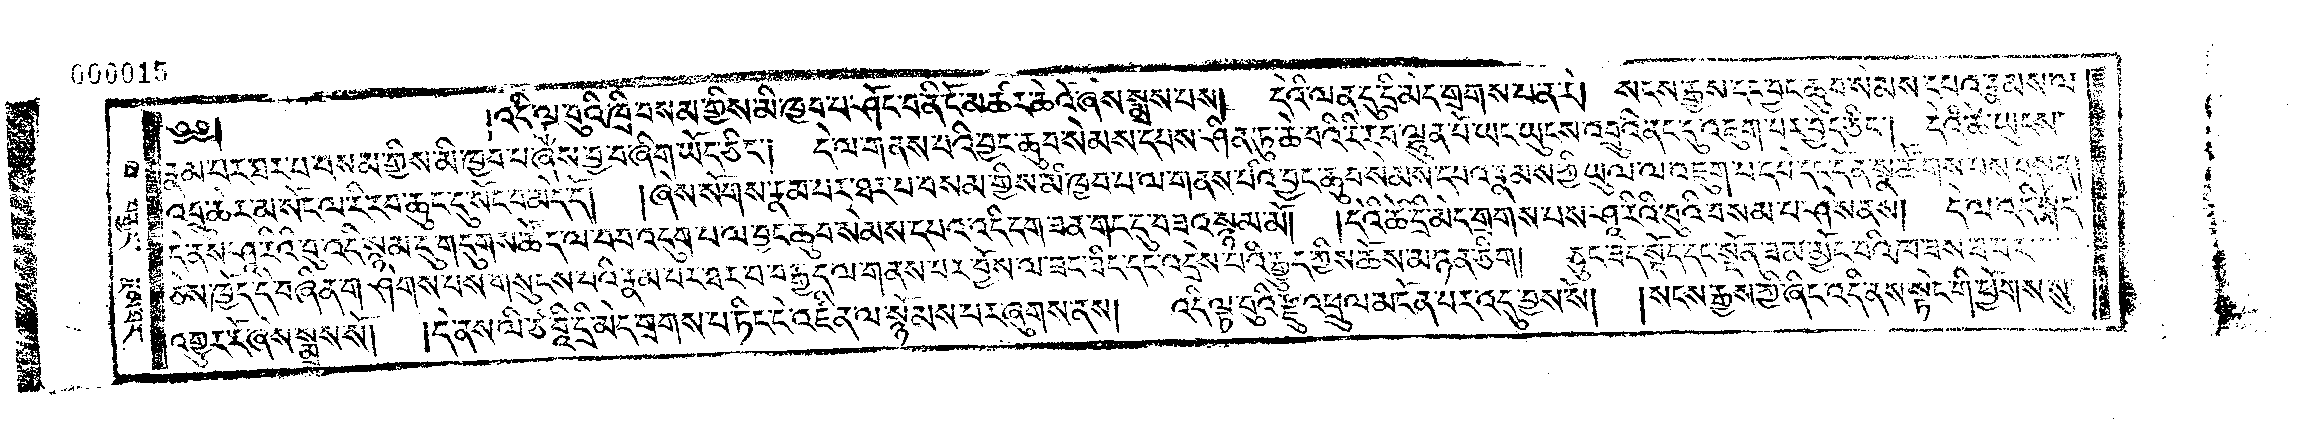༄༅། །འདི་ལྟ་བུའི་ཁྲི་བསམ་གྱིས་མི་ཁྱབ་པ་ཤོང་བ་ནི་ངོ་མཚར་ཆེའོ་ཞེས་སྨྲས་པས། དེའི་ལན་དུ་དྲི་མེད་གྲགས་པ་ན་རེ། སངས་རྒྱས་དང་བྱང་ཆུབ་སེམས་དཔའ་རྣམས་ལ་
རྣམ་པར་ཐར་པ་བསམ་གྱིས་མི་ཁྱབ་པ་ཞེས་བྱ་བ་ཞིག་ཡོད་ཅིང་། དེ་ལ་གནས་པའི་བྱང་ཆུབ་སེམས་དཔས་ཤིན་ཏུ་ཆེ་བའི་རི་རབ་ལྷུན་པོ་ཡང་ཡུངས་འབྲུའི་ནང་དུ་འཇུག་པར་བྱེད་ཅིང་། དེའི་ཚེ་ཡུངས་
འབྲུ་ཆེར་མ་སོང་ལ་རི་རབ་ཆུང་དུ་སོང་བ་མེད་དོ། །ཞེས་སོགས་རྣམ་པར་ཐར་པ་བསམ་གྱིས་མི་ཁྱབ་པ་ལ་གནས་པའི་བྱང་ཆུབ་སེམས་དཔའ་རྣམས་ཀྱི་ཡུལ་ལ་འཇུག་པ་དཔེ་དང་དོན་སྣ་ཚོགས་པས་བསྟན།
དེ་ནས་ཤཱ་རིའི་བུ་འདི་སྙམ་དུ་གདུགས་ཚོད་ལ་བབ་འདུག་པ་ལ་བྱང་ཆུབ་སེམས་དཔའ་འདི་དག་ཟན་གང་དུ་བཟའ་སྙམ་མོ། །དེའི་ཚེ་དྲི་མེད་གྲགས་པས་ཤཱ་རིའི་བུའི་བསམ་པ་ཤེས་ནས། དེ་ལ་འདི་སྐད་
ཅེས་ཁྱོད་དེ་བཞིན་གཤེགས་པས་གསུངས་པའི་རྣམ་པར་ཐར་བ་བརྒྱད་ལ་གནས་པར་བྱོས་ལ་ཟང་ཟིང་དང་འདྲེས་པའི་རྒྱུད་ཀྱིས་ཆོས་མཉན་ཅིག། ཅུང་ཟད་སྡོད་དང་སྔོན་ཟམ་མྱོང་བའི་ཁ་ཟས་ཟ་བར་
འགྱུར་རོ་ཞེས་སྨྲས་སོ། །དེ་ནས་ལི་ཙ་བཱི་དྲི་མེད་གྲགས་པ་ཏིང་ངེ་འཛིན་ལ་སྙོམས་པར་ཞུགས་ནས། འདི་ལྟ་བུའི་རྫུ་འཕྲུལ་མངོན་པར་འདུ་བྱས་སོ། །སངས་རྒྱས་ཀྱི་ཞིང་འདི་ནས་སྟེང་གི་ཕྱོགས་སུ་